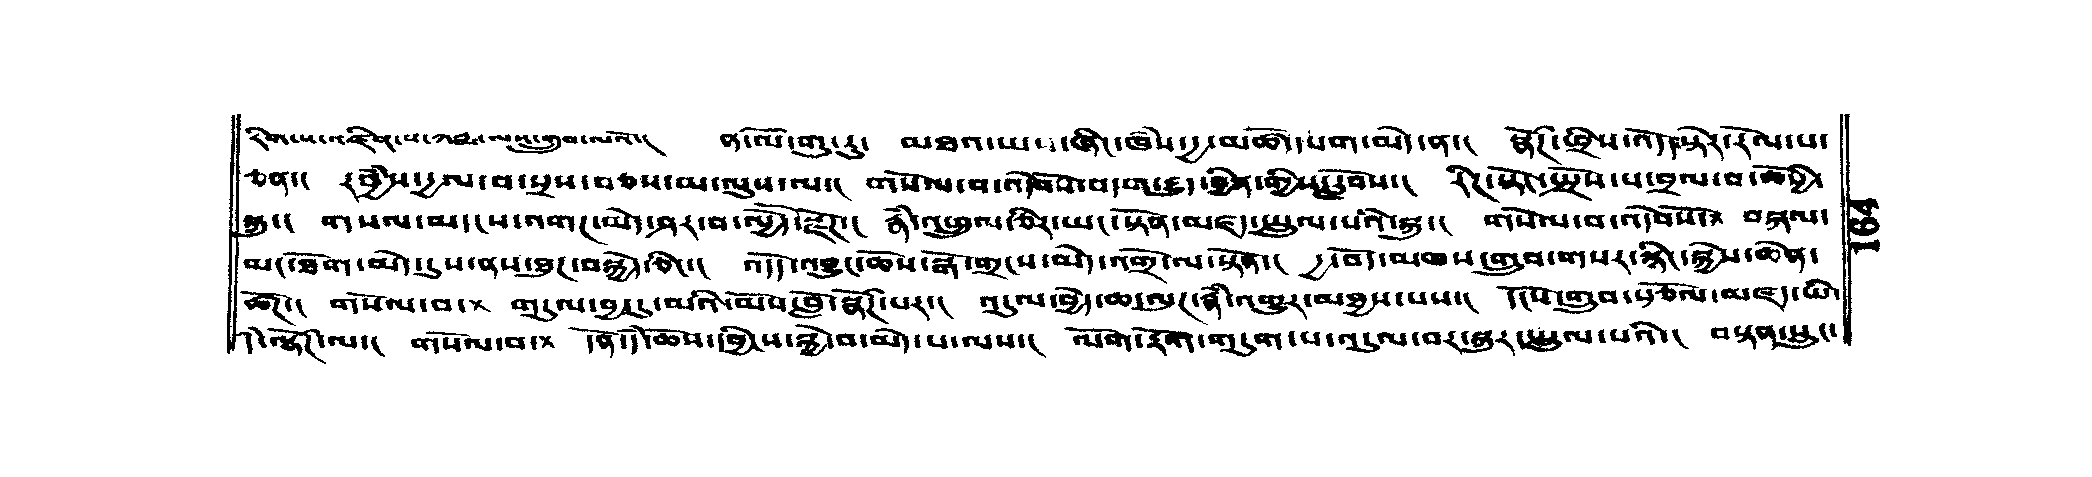རིག་པ་འཛིན་པ་ཀརྨ་ལས་གྲུབ་ལའོ།། ན་མོ་གུ་རུ། མཐའ་ཡས་ཞིང་ཁམས་རྒྱ་མཚོ་དཔག་མེད་ན། །སྣ་ཚོགས་ཕྲིན་ལས་འདོད་སྟེར་རོལ་པ་
ཅན། །རབ་འབྱམས་རྒྱལ་བ་སྲས་བཅས་མ་ལུས་ལ། །གསོལ་བ་འདེབས་སོ་བདག་རྒྱུད་བྱིན་གྱིས་རློབས། །རིག་སྟོང་སྤྲོས་པ་བྲལ་བ་ཆོས་ཀྱི་
སྐུ། །གསལ་མདངས་འགགས་མེད་ཤར་བ་ལོངས་སྤྱོད་རྫོགས། །རྣམ་འཕྲུལ་ཅིར་ཡང་སྟོན་མཛད་སྤྲུལ་པའི་སྐུ། །གསོལ་བ་འདེབས་སོ༴ །བསྐལ་
མང་ཐོག་མེད་དུས་ནས་ཐུགས་བསྐྱེད་ཅིང་། །འདོད་འབྱུང་ཆོས་སྒོ་གྲངས་མེད་འགྲོ་ལ་སྟོན། །རྒྱ་བོད་མཁས་གྲུབ་གསར་སྙིང་སྐྱེས་ཆེན་
ཚོགས༴ །གསོལ་བ༴ །གདུལ་བྱ་དུ་མའི་མོས་བློ་སྣ་ཚོགས་པར། །འདུལ་བྱེད་ཆ་ལུགས་རྣམ་འགྱུར་མཐའ་ཡས་པས། །དངོས་གྲུབ་སྩོལ་མཛད་ཡི་
དམ་ལྷ་ཚོགས་ལ། །གསོལ་བ༴ །དོན་དམ་ཆོས་དབྱིངས་སྐྱེ་བ་མེད་པ་ལས། །ལོག་རྟོག་གདུག་པ་འདུལ་བར་སྐུར་སྤྲུལ་པའི། །བསྟན་སྲུང་